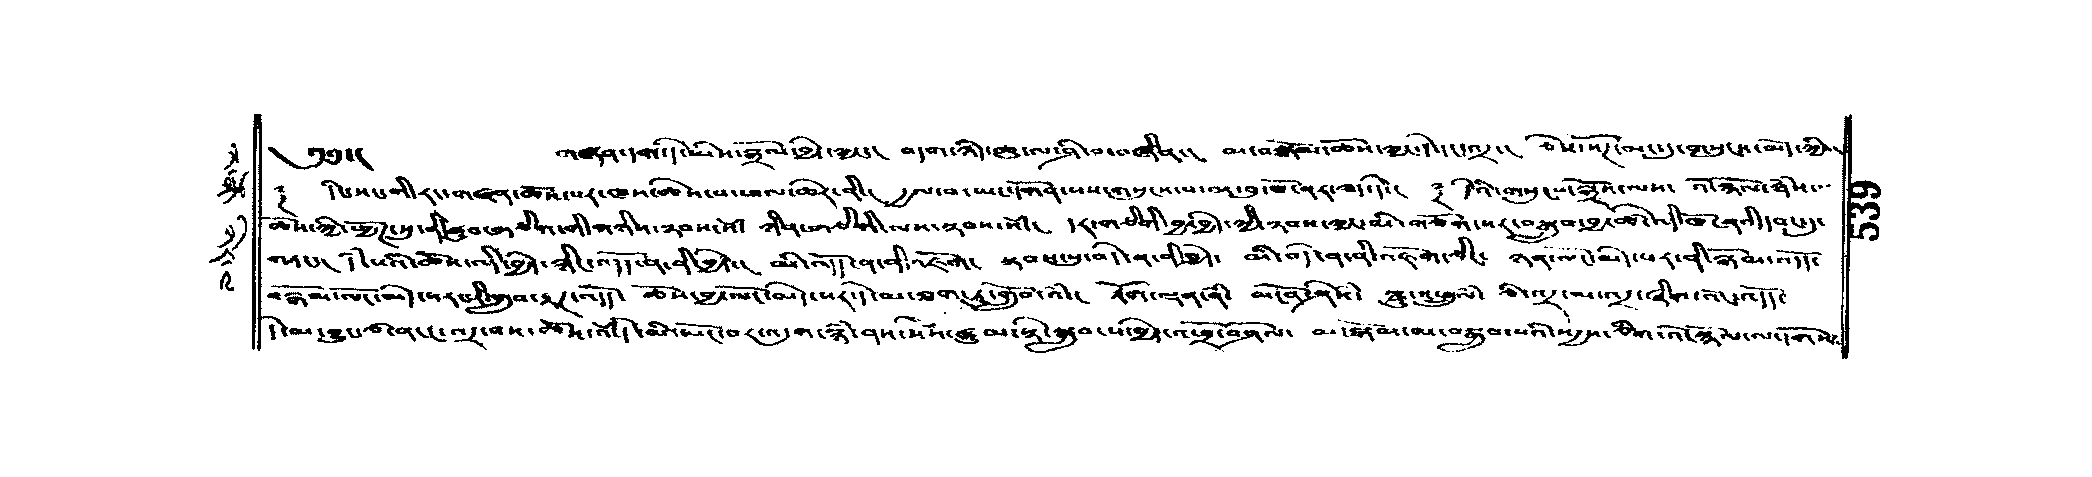། གཞན་དག་དེ་ཡིས་སྒྲོལ་བྱེད་ཀྱང་། །བདག་ཉིད་ཆུ་ལ་ཤི་བ་བཞིན། །མ་བསྒོམ་ཆོས་ཀྱང་དེ་དང་འདྲ། ཞེས་སོགས་མང་དུ་གསུངས་མོད་ཀྱི། 
དེང་སང་གི་རང་གཞན་ཆོས་པར་ཁས་ཆེས་པ་ཕལ་ཆེར་ནི། རྒྱལ་བ་ཡང་དགོན་པས་གསུངས་པ་ལྟ་བུ་ཁོ་ནར་ཟད་དེ། དེའི་གསུངས་སྒྲོས་ལས། འོ་སྐོལ་རྣམས་
ཆོས་ཀྱི་ཕྱོགས་སུ་ནི་ནུབ་གཅིག་གི་གཉིད་སྟབས་སམ། ཉིན་གཅིག་གི་ལས་སྟབས་སམ། དར་གཅིག་གི་བྱ་བྱེད་ཀྱི་སྟབས་ཀྱང་མི་གཅོག་པར་བསྒྲུབ་བྱ་ཚེ་འདི་ཁོ་ནའི་དབང་དུ་
གཏང་། དམ་པའི་ཆོས་འདི་བྱེད་སྙིང་འདོད་ན་ནི་བྱེད། མི་འདོད་ན་ནི་འཇོག སྟབས་སུ་བདེ་ན་ནི་བྱེད། མི་བདེ་ན་ནི་འཇོག་ཅིང་། ཉན་ལོང་མེད་པར་ནི་སྒོམ་འདོད། 
བསྒོམ་ལོང་མེད་པར་ནི་གྲུབ་རྟགས་འདོད། ཆོས་བྱ་ལོང་མེད་པར་དེ་མ་ཐག་ཏུ་གྲུབ་ཐོབ་བམ། རྟོགས་ལྡན་ནམ། མངོན་ཤེས་སམ། རྫུ་འཕྲུལ་ལམ། ཅི་འདྲ་མ་འདྲ་ཞིག་འོང་འདོད། 
དེ་མ་བྱུང་ཙ་ན་ང་འདྲ་བས་ཆོས་སམ་དེ་མི་ཡོང་བར་འདུག་སྙམ་ནས་སེམས་ཞུམ་སྟེ་སྒྲུབ་པ་བྱེད་འཕྲོ་བཤོལ། མ་བསྒོམ་མ་བསྒྲུབ་པའི་སངས་རྒྱས་ཅིག་འོ་སྐོལ་ལ་དགོས་